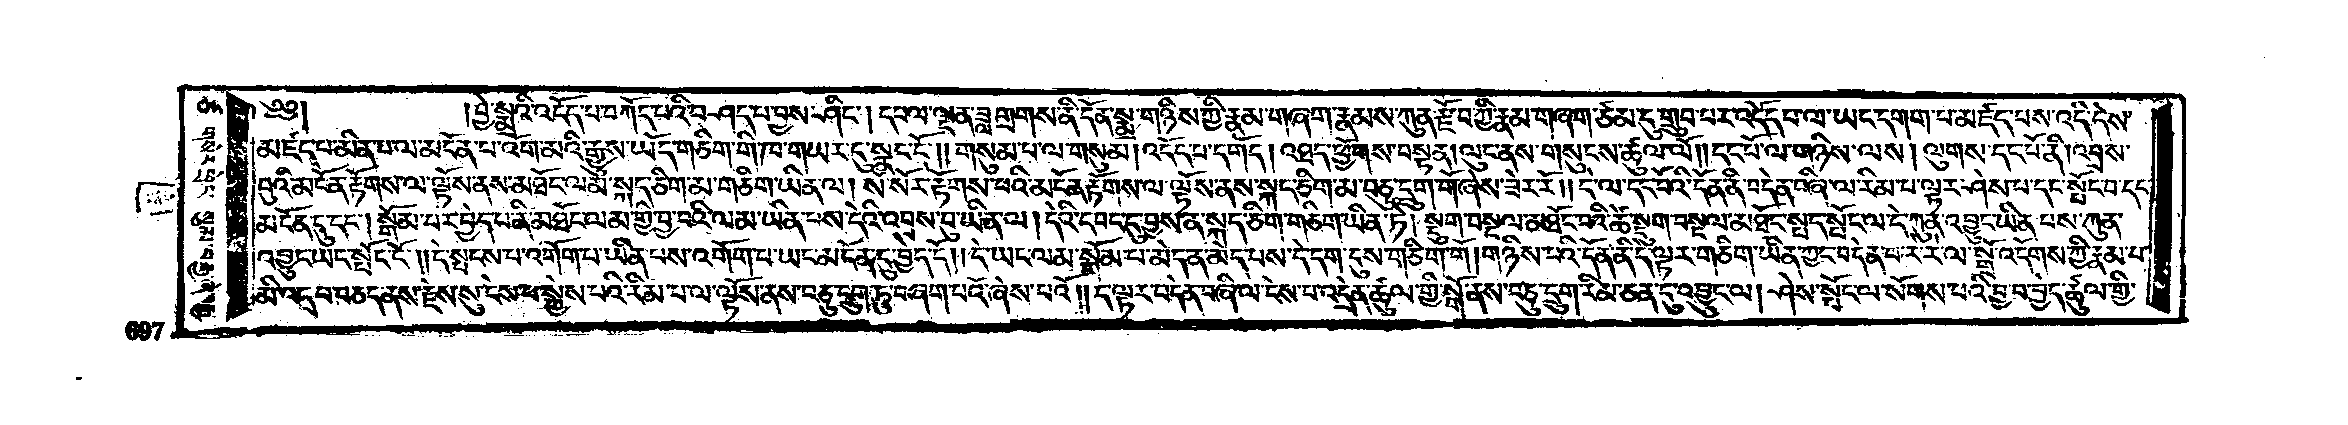༄༅། །བྱེ་སྨྲའི་འདོད་པ་བཀོད་པའི་བཤད་པ་བྱས་ཤིང་། དཔལ་ལྡན་ཟླ་གྲགས་ནི་དོན་སྨྲ་གཉིས་ཀྱི་རྣམ་གཞག་རྣམས་ཀུན་རྫོབ་ཀྱི་རྣམ་གཞག་ཙམ་དུ་གྲུབ་པར་འདོད་པ་ལ་ཡང་དགག་པ་མཛད་པས་འདི་དེས་
མཛད་པ་མིན་པ་ལ་མངོན་པ་འོག་མའི་རྒྱུས་ཡོད་གཅིག་གི་ཁ་གཡར་དུ་སྣང་ངོ། །གསུམ་པ་ལ་གསུམ། འདོད་པ་དགོད། འཐད་ཕྱོགས་བསྟན། ལུང་ནས་གསུངས་ཚུལ་ལོ། །དང་པོ་ལ་གཉིས་ལས། ལུགས་དང་པོ་ནི། འབྲས་
བུའི་མངོན་རྟོགས་ལ་ལྟོས་ནས་མཐོང་ལམ་སྐད་ཅིག་མ་གཅིག་ཡིན་ལ། སོ་སོར་རྟོགས་པའི་མངོན་རྟོགས་ལ་ལྟོས་ནས་སྐད་ཅིག་མ་བཅུ་དྲུག་གོ་ཞེས་ཟེར་རོ། །དེ་ལ་དང་པོའི་དོན་ནི་བདེན་བཞི་ལ་རིམ་པ་ལྟར་ཤེས་པ་དང་སྤོང་བ་དང་
མངོན་དུ་དང་། སྒོམ་པར་བྱེད་པ་ནི་མཐོང་ལམ་གྱི་བྱ་བའི་ལམ་ཡིན་པས་དེའི་འབྲས་བུ་ཡིན་ལ། དེའི་དབང་དུ་བྱས་ན་སྐད་ཅིག་གཅིག་ཡིན་ཏེ། སྡུག་བསྔལ་མཐོང་བའི་ཚེ་སྡུག་བསྔལ་མཐོང་སྤང་སྤོང་ལ་དེ་ཀུན་འབྱུང་ཡིན་པས་ཀུན་
འབྱུང་ཡང་སྤོང་ངོ། །དེ་སྤངས་པ་འགོག་པ་ཡིན་པས་འགོག་པ་ཡང་མངོན་དུ་བྱེད་དོ། །དེ་ཡང་ལམ་སྒོམ་པ་མེད་ན་མེད་པས་དེ་དག་དུས་གཅིག་གོ །གཉིས་པའི་དོན་ནི་དེ་ལྟར་གཅིག་ཡིན་ཀྱང་བདེན་པ་རེ་རེ་ལ་སྒྲོ་འདོགས་ཀྱི་རྣམ་པ་
མི་འདྲ་བ་བཅད་ནས་རྗེས་སུ་ངེས་པ་སྐྱེས་པའི་རིམ་པ་ལ་ལྟོས་ནས་བཅུ་དྲུག་ཏུ་བཞག་པའོ་ཞེས་པའོ། །དེ་ལྟར་བདེན་བཞི་ལ་ངེས་པ་འདྲེན་ཚུལ་གྱི་སྒོ་ནས་བཅུ་དྲུག་རིམ་ཅན་དུ་འབྱུང་ལ། ཤེས་སྤོང་ལ་སོགས་པའི་བྱ་བ་བྱེད་ཚུལ་གྱི་